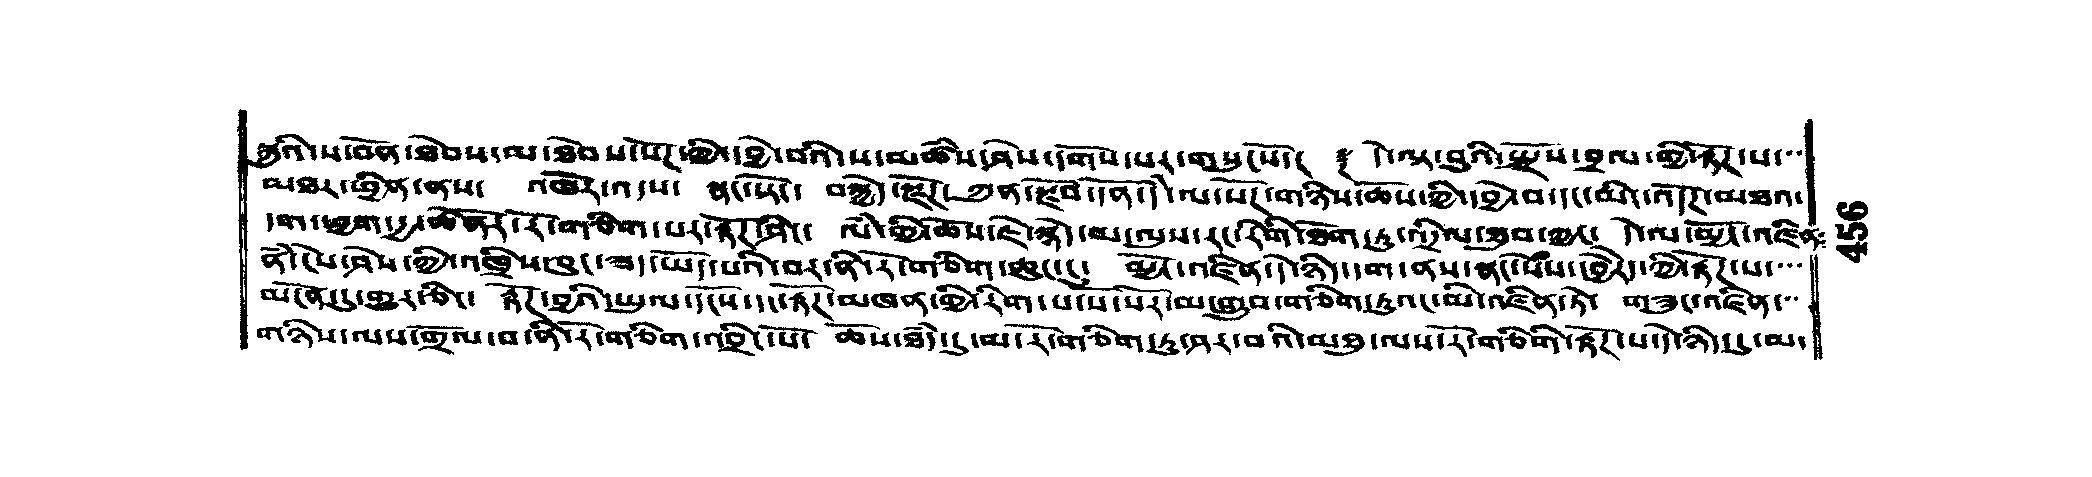སྐུའི་ས་བོན་ཐེབས་མ་ཐེབས་སོགས་ཀྱི་དབྱེ་བའི་ས་མཚམས་ཤེས་དགོས་པར་གསུངས་སོ།། དེ་ལྟ་བུའི་སྤྲོས་བྲལ་གྱི་རྟོགས་པ་
མཐར་ཕྱིན་ནས། འཁོར་འདས། སྣང་སྟོང་། བསྐྱེད་རྫོགས། ཀུན་རྫོབ་དོན་དམ་ལ་སོགས་གཉིས་ཆོས་ཀྱི་དབྱེ་བ་དང་མིང་འདོགས་མཐའ་
དག་ཕྱག་རྒྱ་ཆེན་པོར་རོ་གཅིག་པར་རྟོགས་ཤིང་། ལམ་གྱི་ཆོས་ཇི་སྙེད་མ་ལུས་རང་རིག་གི་ཐོག་ཏུ་འདྲིལ་ཐུབ་ཀྱང་། དེ་ལ་མྱོང་འཛིན་
ནམ་ངེས་ཤེས་ཀྱི་འཁྲིས་ཅུང་ཟད་ཡོད་པའི་བར་ནི་རོ་གཅིག་ཆུང་ངུ་། མྱོང་འཛིན་དེ་ཉིད་དག་ནས་སྣང་སེམས་དབྱེར་མེད་ཀྱི་རྟོགས་པ་
མངོན་དུ་གྱུར་ཅིང་། རྟོགས་བྱའི་ཡུལ་དངོས་དང་རྟོགས་མཁན་གྱི་རིག་པ་སོ་སོར་མ་གྲུབ་གཅིག་ཏུའང་མི་འཛིན་ཏེ། གཟུང་འཛིན་
གཉིས་ལས་གྲོལ་བ་ནི་རོ་གཅིག་འབྲིང་པོ། ཆོས་ཐམས་ཅད་དུ་མ་རོ་གཅིག་ཏུ་ཤར་བའི་མཐུ་ལས་རོ་གཅིག་གི་རྟོགས་པ་དེ་ཉིད་དུ་མ་